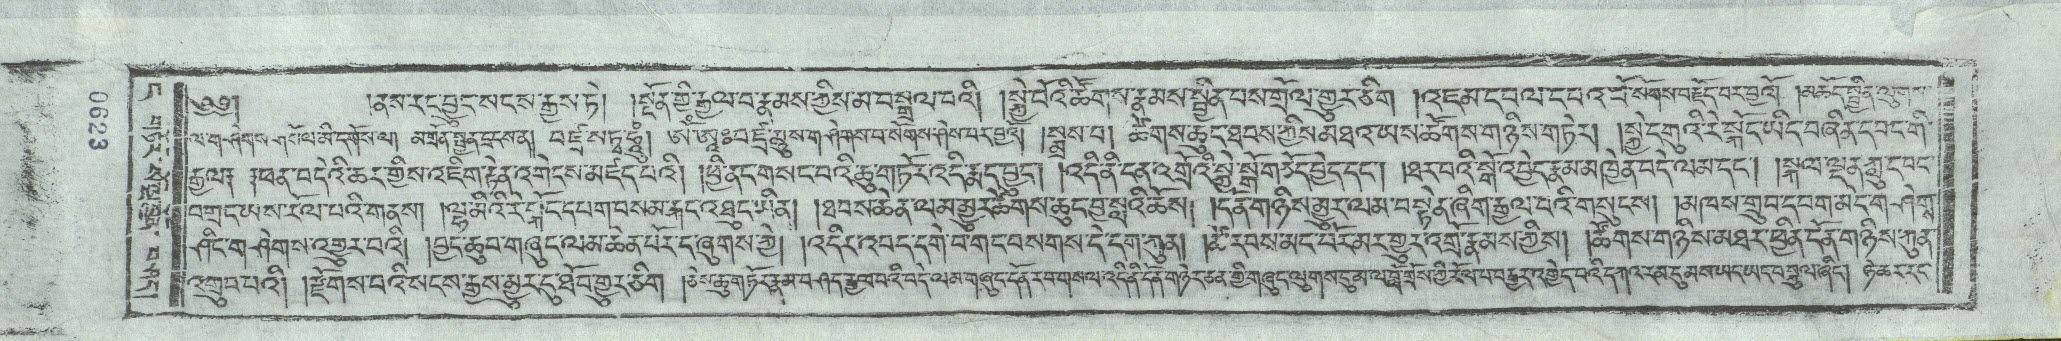༄༅། །ནས་རང་བྱུང་སངས་རྒྱས་ཏེ། །སྔོན་གྱི་རྒྱལ་བ་རྣམས་ཀྱིས་མ་བསྒྲལ་བའི། །སྐྱེ་བོའི་ཚོགས་རྣམས་སྦྱིན་པས་གྲོལ་གྱུར་ཅིག །འཇམ་དཔལ་དཔའ་བོ་སོགས་བརྗོད་པར་བྱའོ། །མཆོད་སྦྱིན་ལུགས་
ལ་གཤེགས་གསོལ་མི་དགོས་ལ། མགྲོན་སྤྱན་དྲངས་ན། བཛྲས་ཏྭ་ཧཱུཾ། ཨོཾ་ཨཱཿ བཛྲ་མཱུ་ས་གཤེགས་པ་སོགས་ཤེས་པར་བྱའོ། །སྨྲས་པ། ཚོགས་ཆུང་ཐབས་ཀྱིས་མཐའ་ཡས་ཚོགས་གཉིས་གཏེར། །སྐྱེ་དགུའི་རེ་སྐོང་ཡིད་བཞིན་དབང་གི་
རྒྱལ༑ ༑ཕན་བདེའི་ཆར་གྱིས་འཇིག་རྟེན་འགེངས་མཛད་པའི། །ཕྱི་ནང་གསང་བའི་ཆུ་གཏོར་འདི་རྨད་བྱུང་། །འདི་ནི་དན་འགྲོའི་སྐྱེ་སྒོ་གཅོད་བྱེད་དང་། །ཐར་བའི་སྒོ་འབྱེད་རྣམ་མཁྱེན་བདེ་ལམ་དང་། །སྐལ་ལྡན་ཀླུ་དབང་
འགྲང་ཡས་རོལ་པའི་གནས། །ལྷ་མིའི་རེ་སྐོང་དཔག་བསམ་རྐང་འཐུང་ཡིན། །ཐབས་ཆེན་ལམ་མྱུར་ཚོགས་ཆུང་བྱ་སླའི་ཆོས། །དོན་གཉིས་མྱུར་ལམ་བསྟེན་ཞིག་རྒྱལ་པའི་གསུངས། །མཁས་གྲུབ་དཔག་མེད་གཤེགས་
ཤིང་གཤེགས་འགྱུར་བའི། །བྱང་ཆུབ་གཞུང་ལམ་ཆེན་པོར་ད་ཞུགས་ཀྱེ། །འདིར་འབད་དགེ་བ་གང་བསགས་དེ་དག་ཀུན། །ཚེ་རབས་མང་པོར་མར་གྱུར་འགྲོ་རྣམས་ཀྱིས། །ཚོགས་གཉིས་མཐར་ཕྱིན་དོན་གཉིས་ཀུན་
འགྲུབ་པའི། །རྫོགས་པའི་སངས་རྒྱས་མྱུར་དུ་ཐོབ་གྱུར་ཅིག །ཅེས་ཆུ་གཏོར་རྣམ་བཤད་རྒྱལ་བའི་བདེ་ལམ་གཞུང་དོན་རབ་གསལ་འདི་ནི་དོན་གཉེར་ཅན་གྱི་གཞུང་ལུགས་དུ་མ་ལ་བློ་གྲོས་ཀྱི་རོལ་པ་བརྒྱད་འགྱེད་པའི་དཀའ་རམ་དུ་མས་ཡང་ཡང་བསྐུལ་ཞིང་། ཉེ་ཆར་རང་